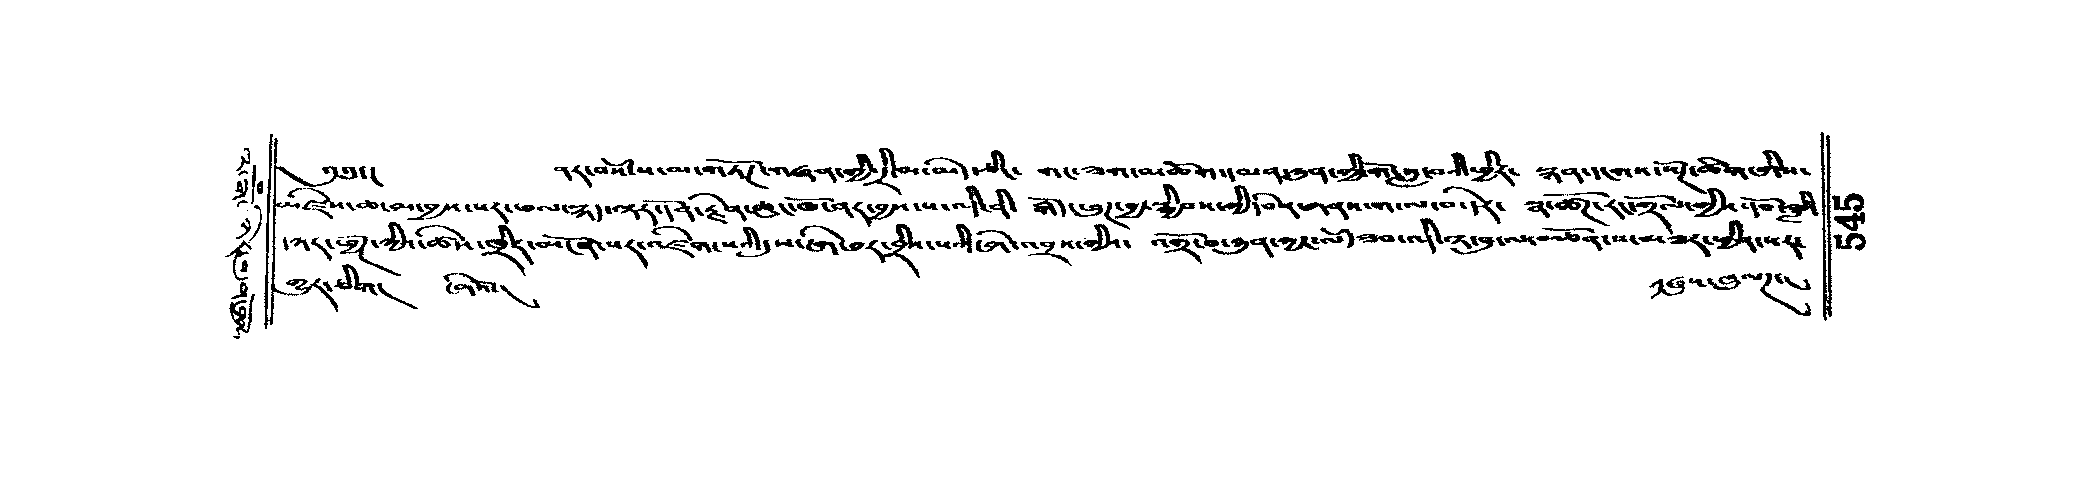ནར་བསམ་པ་མ་གཏོགས་གཞན་གྱི་དྲི་མ་མེད་ཅིང་། གང་ཟག་མཆོག་དམན་ཀུན་གྱི་གོ་སླ་བའི་ཕྱིར་། སྙན་དངགས་སོགས་ཚིག་གིས་
མཛེས་ཆ་མ་བྱས་པར་ཕལ་སྐད་ལྟར་དོན་རྗེན་ཆུང་ཁོ་ནར་བྱས་པ་འདི་ནི། རྒོད་ཕུག་བྱ་སྐྱིབས་ཀྱི་དབེན་གནས་ག་ལ་བ་དེར། སྣ་ཚོགས་རང་གྲོལ་གྱིས་དབོ་ཟླའི་
དཀར་ཕྱོགས་ཀྱིས་ཚེས་ཁྲིར་མངོན་པར་འཛེགས་པའི་དུས་དགེ་བར་བྲིས་པའི་དགེ་འབྲས་ཀྱིས། འགྲོ་བ་ཀུན་ཀྱང་ལམ་ཟབ་འདི་ལྟར་བུ་ལ་བརྩོན་པ་མཐར་ཕྱིན་པར་
གྱུར་ཅིག། དགེའོ།།